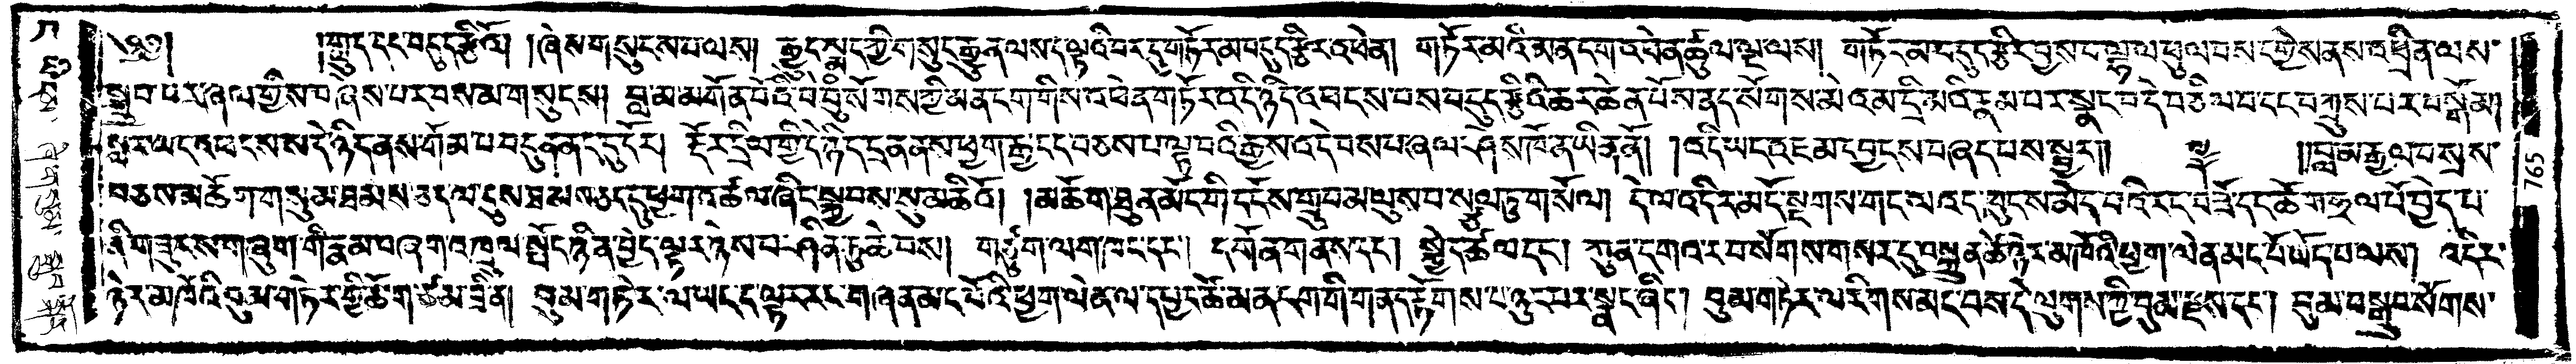༄༅། །གླུད་དང་བདུད་རྩིའོ། །ཞེས་གསུངས་པ་ལས། རྒྱུད་སྨད་ཀྱི་གསུང་རྒྱུན་ལས་ད་ལྟའི་བར་དུ་གཏོར་མ་བདུད་རྩིར་འཕེན། གཏོར་མའི་མན་ངག་འཕེན་ཚུལ་ལྔ་ལས། གཏོར་མ་བདུད་རྩིར་བྱས་བ་ལྷ་ལ་ཕུལ་བས་དགྱེས་ནས་འཕྲིན་ལས་
སྒྲུབ་པར་ཞལ་གྱིས་བཞེས་པར་བསམ་གསུངས། བླ་མ་མགོན་པོའི་བེ་བུཾ་སོགས་ཀྱི་མན་ངག་གིས་འཕེན་གཏོར་འདི་ཉིད་འཕངས་པས་བདུད་རྩིའི་ཆར་ཆེན་པོས་ནད་སོགས་མེའམ་དྲི་མའི་རྣམ་པར་སྣང་བདེ་བཅིས་བ་དང་བཀྲུས་པར་བསྒོམ།
སླར་ཡང་འཕངས་ས་དེ་ཉིད་ནས་གོམ་པ་བདུན་ནང་དུ་དོར། རྡོར་དྲིལ་གྱི་དེ་ཉིད་དྲན་ནས་ཕྱག་རྒྱ་ངང་བཅས་པ་ལྟ་བའི་རྒྱས་འདེབས་པ་ཞལ་ཤེས་ཁོ་ན་ཡིན་ནོ། །འདི་ཡང་འཇམ་དབྱངས་བཞད་བས་སྦྱར།། ༈ །།བླ་མ་རྒྱལ་བསྲས་
བཅས་མཆོག་གསུམ་ཐམས་ཅད་ལ་དུས་ཐམས་ཅད་དུ་ཕྱག་འཚལ་ཞིང་སྐྱབས་སུ་མཆིའོ། །མཆོག་ཐུན་མོང་གི་དངོས་གྲུབ་མ་ལུས་བ་སྩལ་ཏུ་གསོལ། དེ་ལ་འདིར་མདོ་སྔགས་གང་ལའང་ཁུངས་མེད་པའི་རང་བཟོ་དང་ཆོག་ཧྲལ་པོ་བྱེད་པ་
ནི་གཟུངས་གཞུག་གི་རྣམ་བཞག་འཁྲུལ་སྤོང་ཉིན་བྱེད་ལྟར་ཉེས་པ་ཤིན་ཏུ་ཆེ་བས། གཙུག་ལག་ཁང་དང་། དགོན་གནས་དང་། སྐྱེད་ཚལ་དང་། ཀུན་དགའ་རབ་སོགས་གསར་དུ་བསྐྲུན་ཚེ་ཉེར་མཁོའི་ཕྱག་ལེན་མང་བོ་ཡོད་པ་ལས། འདིར་
ཉེར་མཁོའི་བུམ་གཏེར་གྱི་ཆོ་ག་ཙམ་བྲི་ན། བུམ་གཏེར་ལ་ཡང་ང་ལྟར་རང་གཞན་མང་བོའི་ཕྱག་ལེན་ལ་དཔྱད་ཚེ་མན་ངག་གི་གནད་རྟོགས་པ་ཉུང་པར་སྣང་ཞིང་། བུམ་གཏེར་ལ་རིགས་མང་བས་དེ་ལུགས་ཀྱི་བུམ་རྫས་དང་། བུམ་བསྒྲུབ་སོགས་